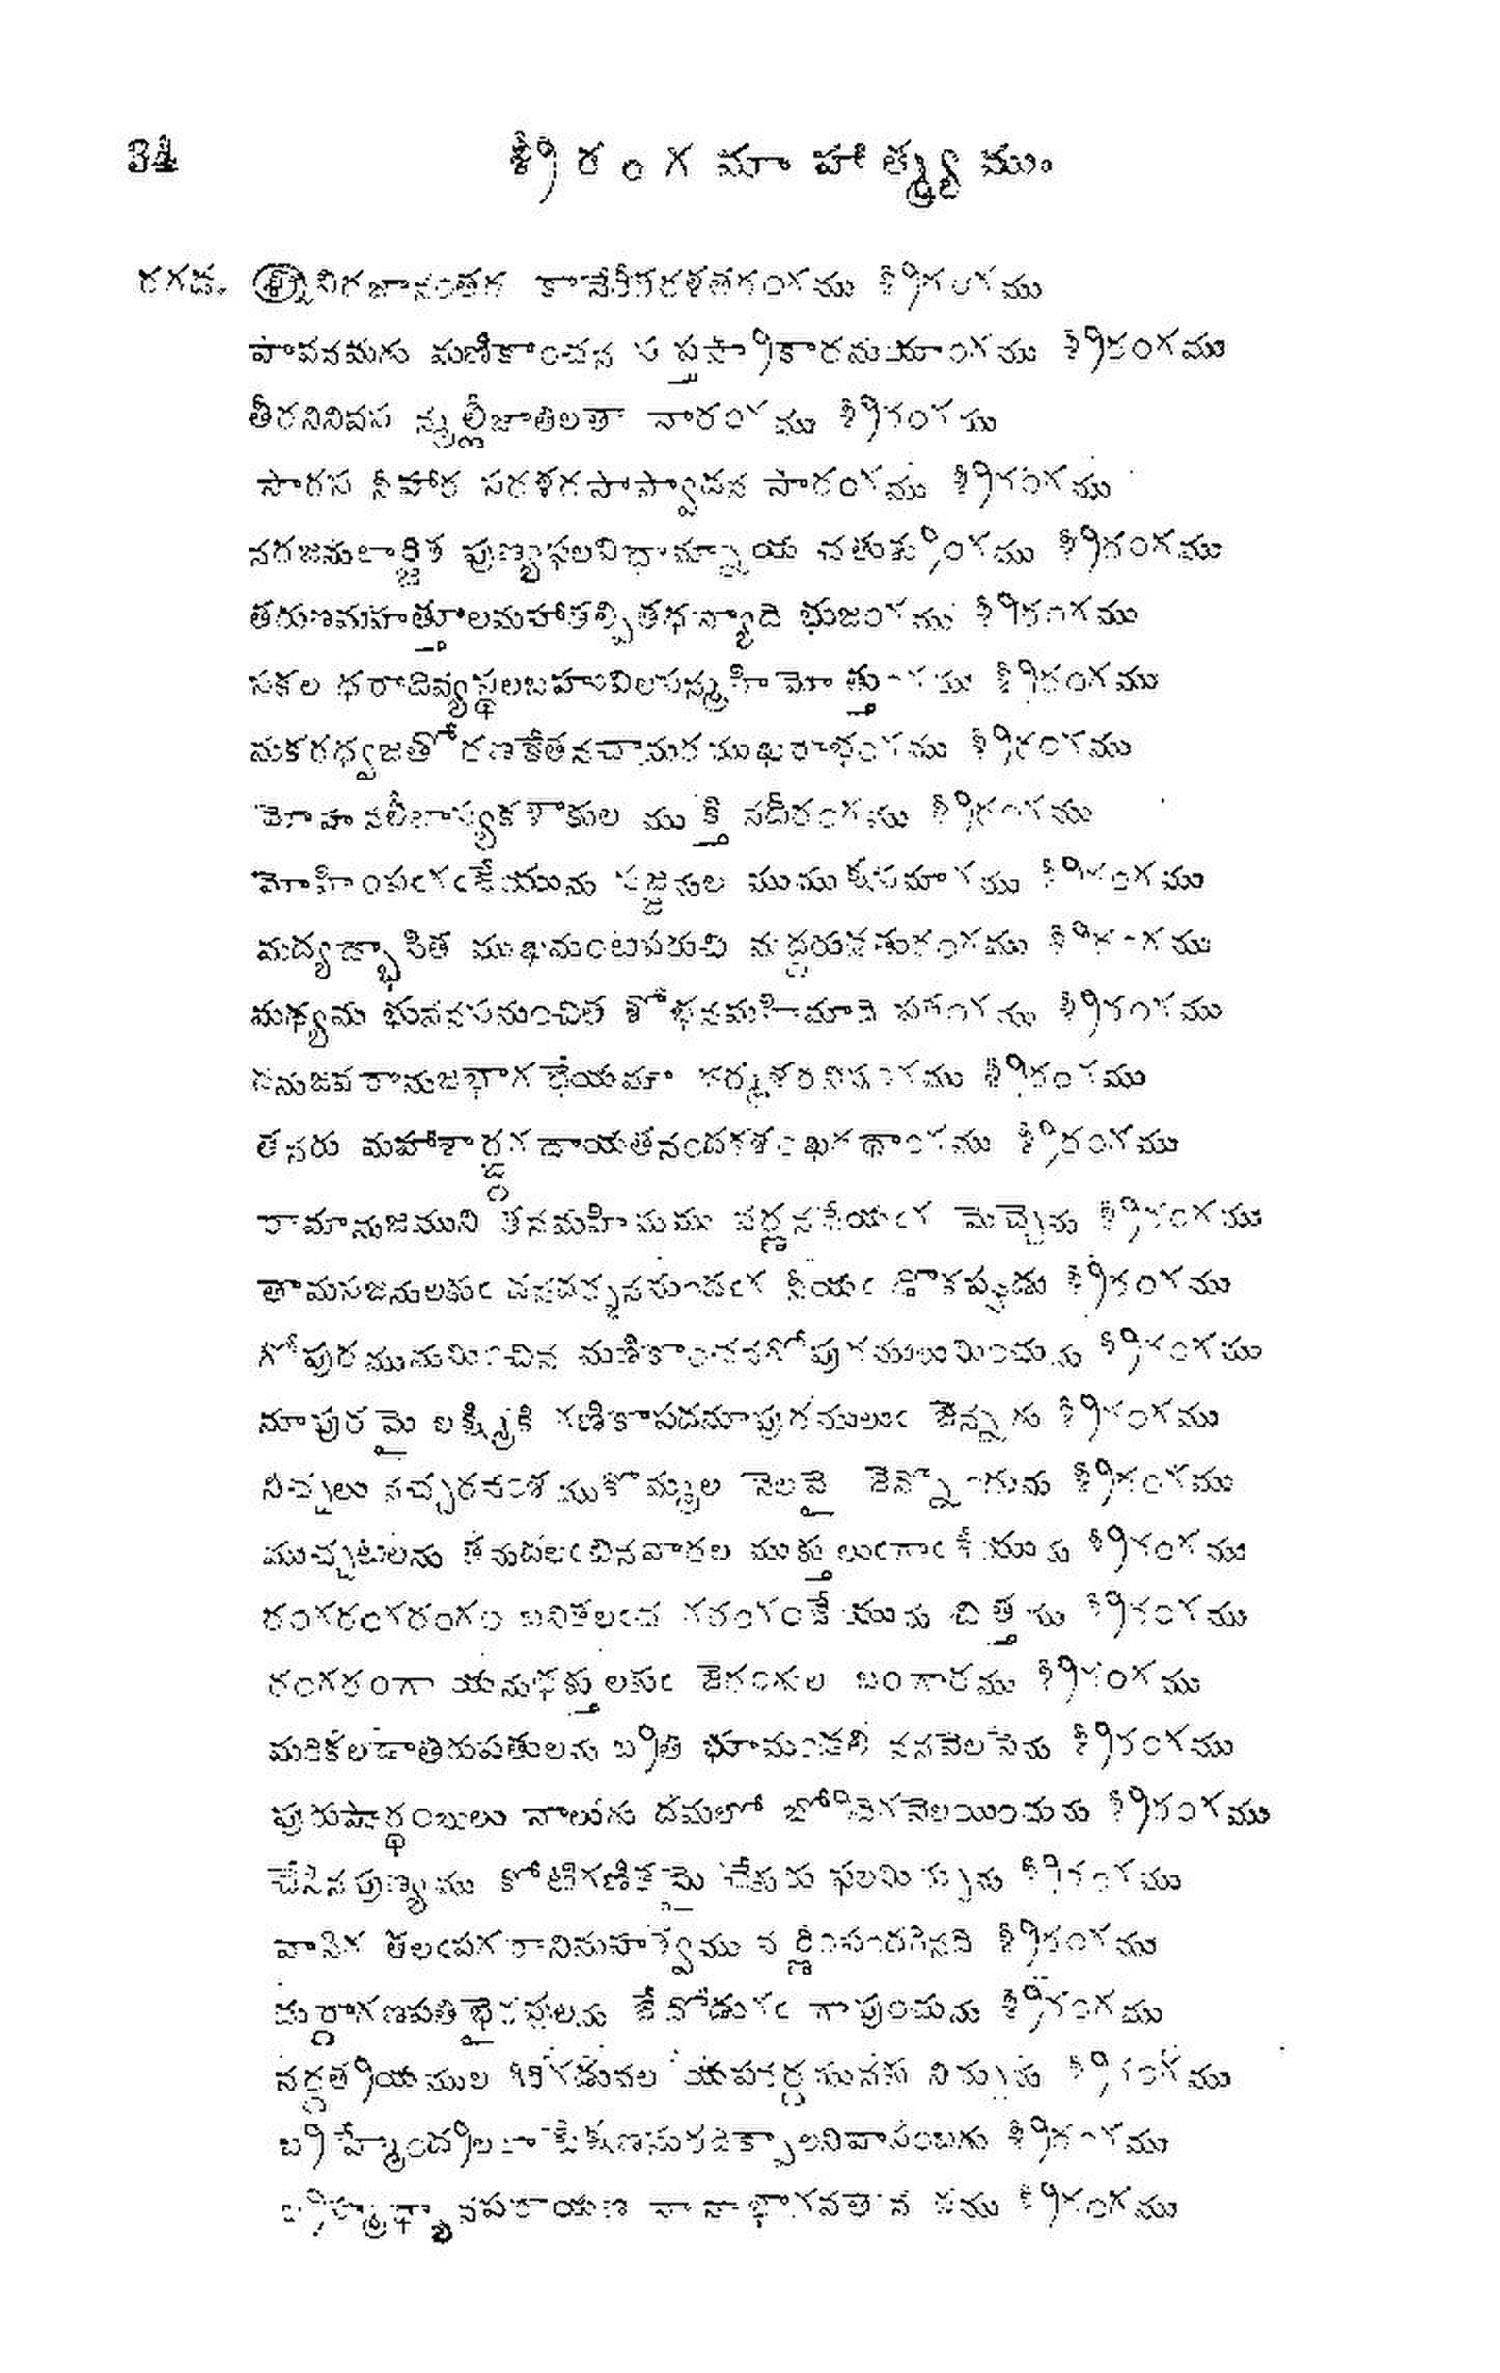రగడ. శ్రీవిరజానంతర కావేరీతరళతరంగము శ్రీరంగము
 పావనమగు మణికాంచన సప్తప్రాకారమయాంగము శ్రీరంగము
 తీరనినివస న్మల్లీజాతిలతా నారంగము శ్రీరంగము
 సారస నీహార సరళరసాస్వాదన సారంగము శ్రీరంగము
 నరజనులార్జితపుణ్యఫలవిదామ్నాయ చతుశ్రుంగము శ్రీరంగము
 తరుణమహత్తూలమహాతల్పితధన్యాది భుజంగము శ్రీరంగము
 సకలధరాదివ్యస్థలబహువిలసన్మహిమోత్తుంగము శ్రీరంగము
 మకరధ్వజతోరణకేతనచామరకముఖరాభంగము శ్రీరంగము
 మోహనలీలాస్యకళాకులముక్తినదీరంగము శ్రీరంగము
 మోహింపఁగఁజేయును సజ్జనుల ముముక్షసమాగము మా శ్రీరంగము
 మధ్యద్భాసిత ముఖమంటపరుచి మద్గరుడతురంగము శ్రీరంగము
 మధ్యమ భువనసమంచిత శోభనమహిమాదిపతంగము శ్రీరంగము
 దనుజవరానుజభాగధేయమౌ ధర్మశరనిషంగము శ్రీరంగము
 తనరు మహాశార్ఙ్గగదాయతనందకశంఖరథాంగము శ్రీరంగము
 రామానుజముని తనమహిమము వర్ణన సేయఁగ మెచ్చెను శ్రీరంగము
 తామసజనులకు దనదర్శనమందఁగ నీయఁ డొకప్పుడు శ్రీరంగము
 గోపురమును మించిన మణికాంచనగోపురములు మించును శ్రీరంగము
 నూపురమై లక్ష్మికి గణికాపదనూపురములు జెన్నగు శ్రీరంగము
 నిచ్చలు నచ్చరవంశము కొమ్మల నెలనై జెన్నొందును శ్రీరంగము
 ముచ్చటలను తనుదలఁచినవారల ముక్తులుఁగాఁజేయును శ్రీరంగము
 రంగరంగరంగం బని తలఁచ గరంగంజేయును చిత్తము శ్రీరంగము
 రంగరంగా యనుభక్తులకుఁ జెరంగుల బంగారము శ్రీరంగము
 మరికలడాతిరుపతులను బ్రతి భూమండలి ననవెలసెను శ్రీరంగము
 పురుషార్థంబులు నాలుగు దమలో బ్రోదిగ నెలయించును శ్రీరంగము
 చేసిన పుణ్యము కోటిగణితమై చేకురు ఫలమిచ్చును శ్రీరంగము
 వాసిగ తలఁపగరానిమహత్వము వర్ణింపందగినది శ్రీరంగము
 దుర్గాగణపతిభైరవులను జోదోడుగఁ గాపుంచును శ్రీరంగము
 వర్గత్రయముల గీరిగడువల యపవర్గమునకు నిచ్చును శ్రీరంగము
 బ్రహ్మేంద్రలలాటేక్షణసురదిక్పాలనివాసంబగు శ్రీరంగము
 బ్రహ్మధ్యానపరాయణ నానాభాగవతానందము శ్రీరంగము